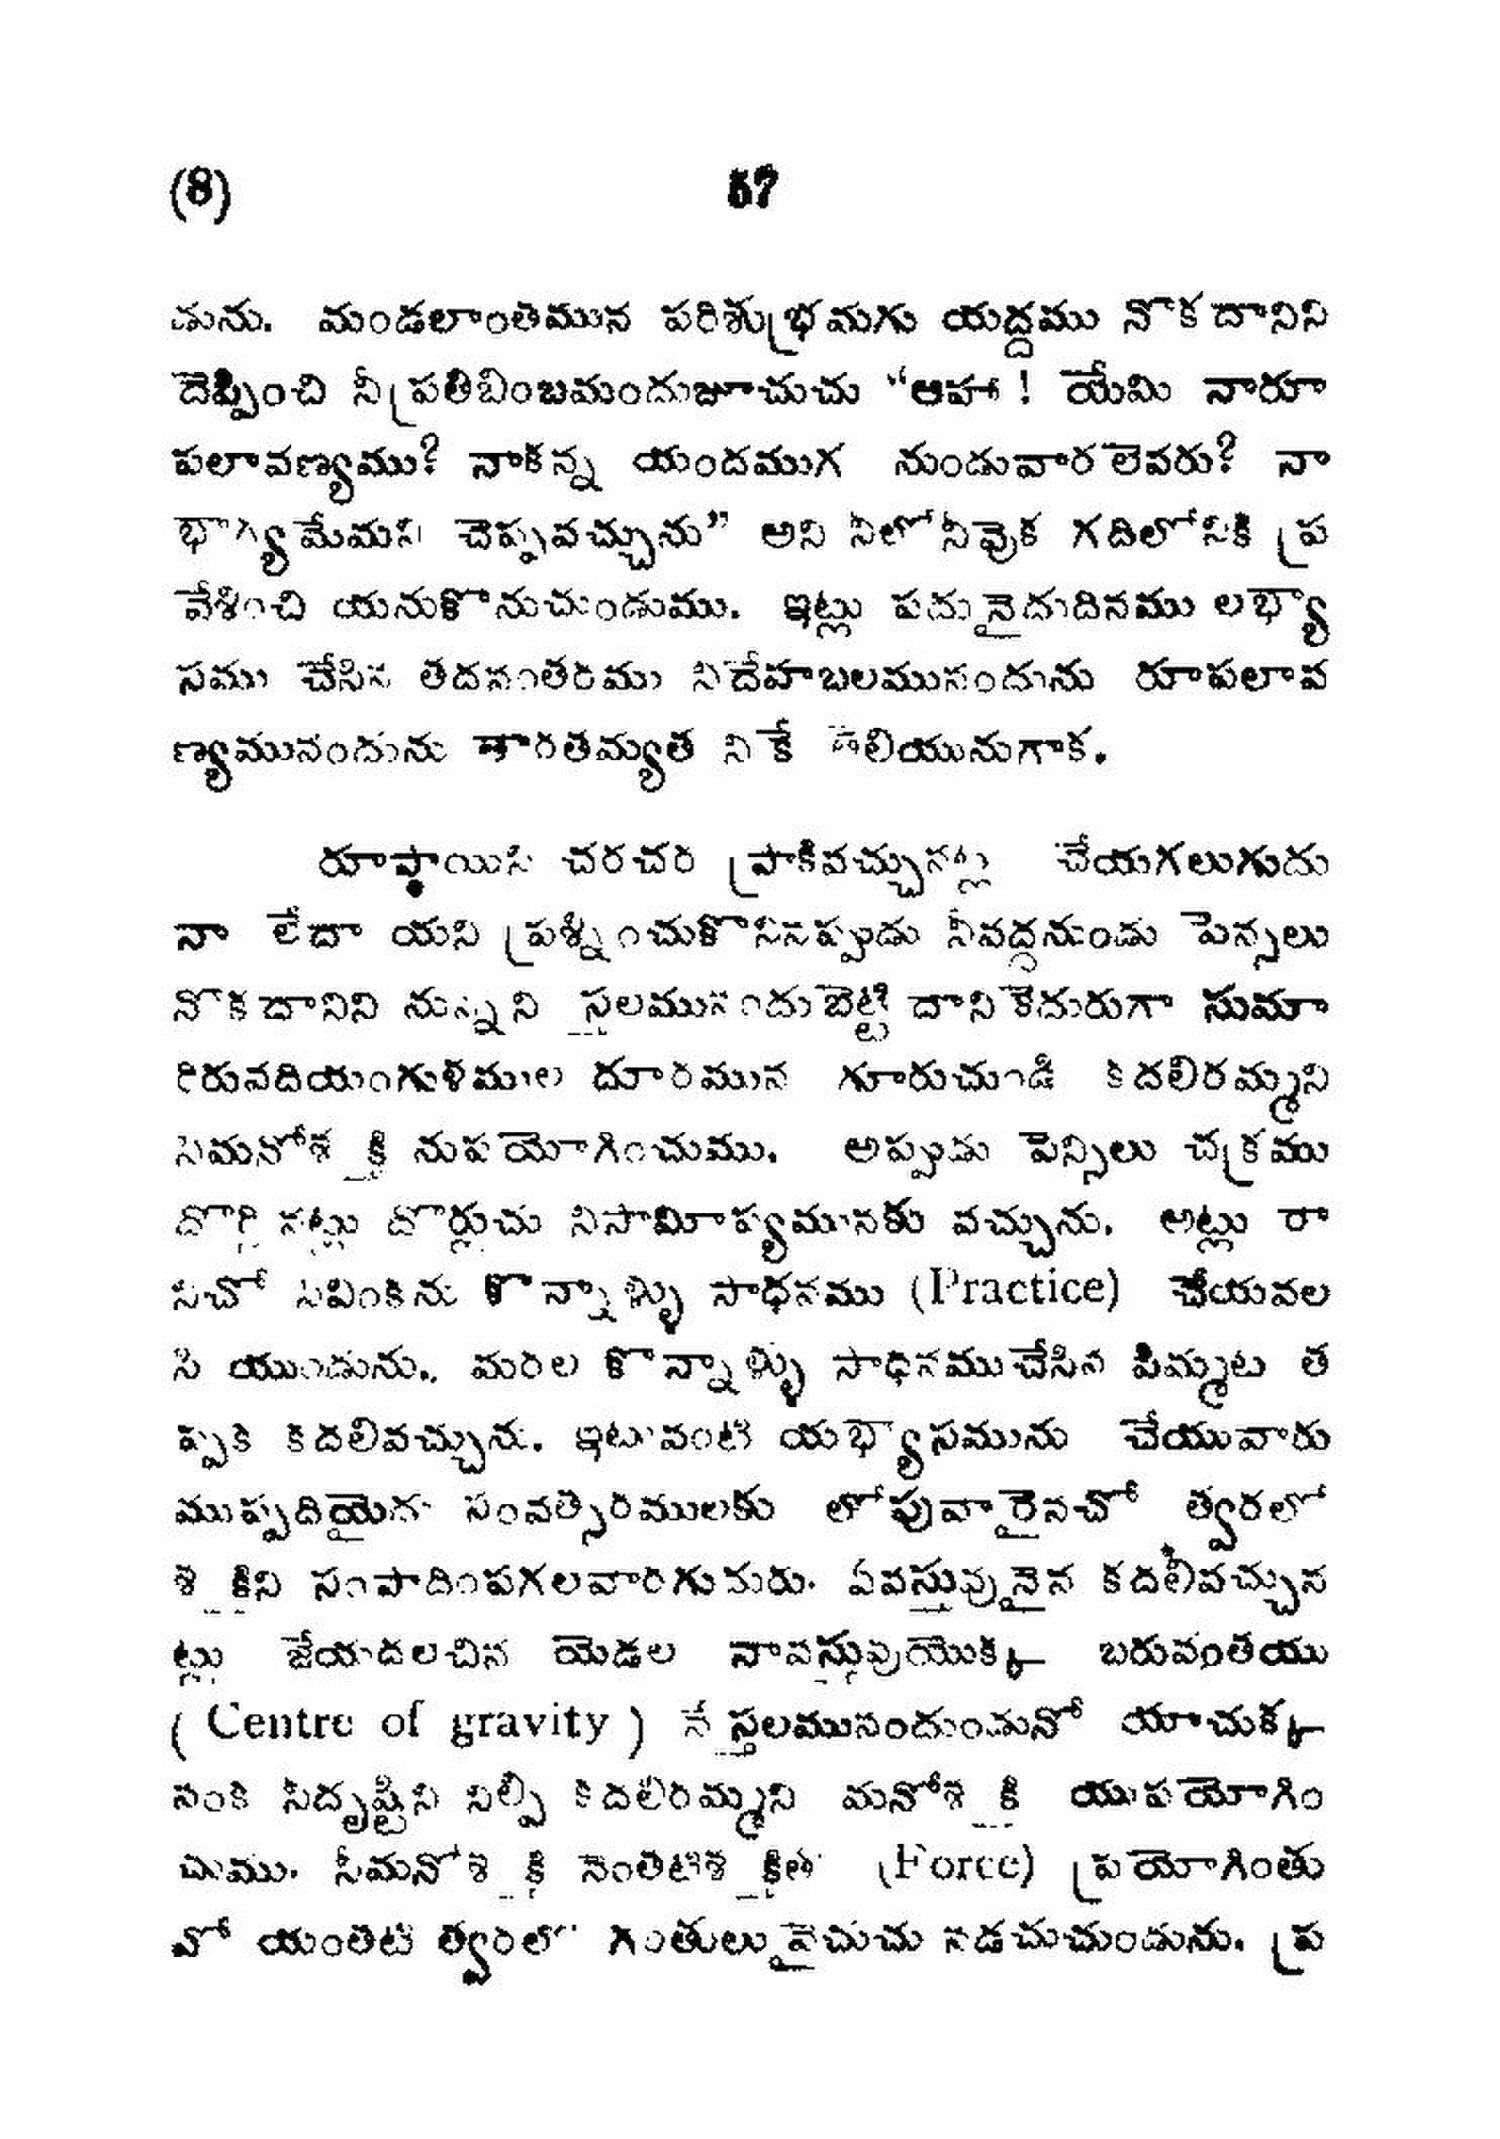డును. మండలాంతమున పరిశుభ్రమగు యద్దము నొకదానిని దెప్పించి నీప్రతిబింబమందుజూచుచు “ఆహా ! యేమి నారూపలావణ్యము? నాకన్న యందముగ నుండువారలెవరు? నా భాగ్యమేమని చెప్పవచ్చును” అని నీలోనీవొక గదిలోనికి ప్రవేశించి యనుకొనుచుండుము. ఇట్లు పదునైదుదినము లభ్యాసము చేసిన తదనంతరము నీ దేహబలమునందును రూపలావణ్యమునందును తారతమ్యత నీకే తెలియునుగాక.

రూపాయిని చరచర ప్రాకివచ్చునట్లు చేయగలుగుదునా లేదా యని ప్రశ్నించుకొన్నప్పుడు నీవద్దనుండు పెన్సలు నొక దానిని నున్నని స్తలమునందుబెట్టి దానికెదురుగా సుమారిరువది యంగుళముల దూరమున గూరుచుండి కదలిరమ్మని నీమనోశక్తి నుపయోగించుము. అప్పుడు పెన్సిలు చక్రము దొర్లినట్లు దొర్లుచు నీసామీప్యమునకు వచ్చును. అట్లు రానిచో నీవింకను కొన్నాళ్ళు సాధనము (practice) చేయవలసి యుండును. మరల కొన్నాళ్ళు సాధనముచేసిన పిమ్మట తప్పక కదలివచ్చును. ఇటువంటి యభ్యాసమును చేయువారు ముప్పదియైదు సంవత్సరములకు లోపువారైనచో త్వరలో శక్తిని సంపాదింపగలవారగుదురు. ఏవస్తువునైన కదలివచ్చునట్లు జేయదలచిన యెడల నావస్తువుయొక్క బరువంతయు ( Centre of gravity ) నేస్తలము నందుండునో యాచుక్కవంక నీదృష్టిని నిల్పి కదలిరమ్మని మనోశక్తి యుపయోగించుము. నీమనోశక్తి నెంతటిశక్తితో (Force) ప్రయోగింతువో యంతటిత్వరలో గంతులువైచుచు నడచుచుండును. ప్ర